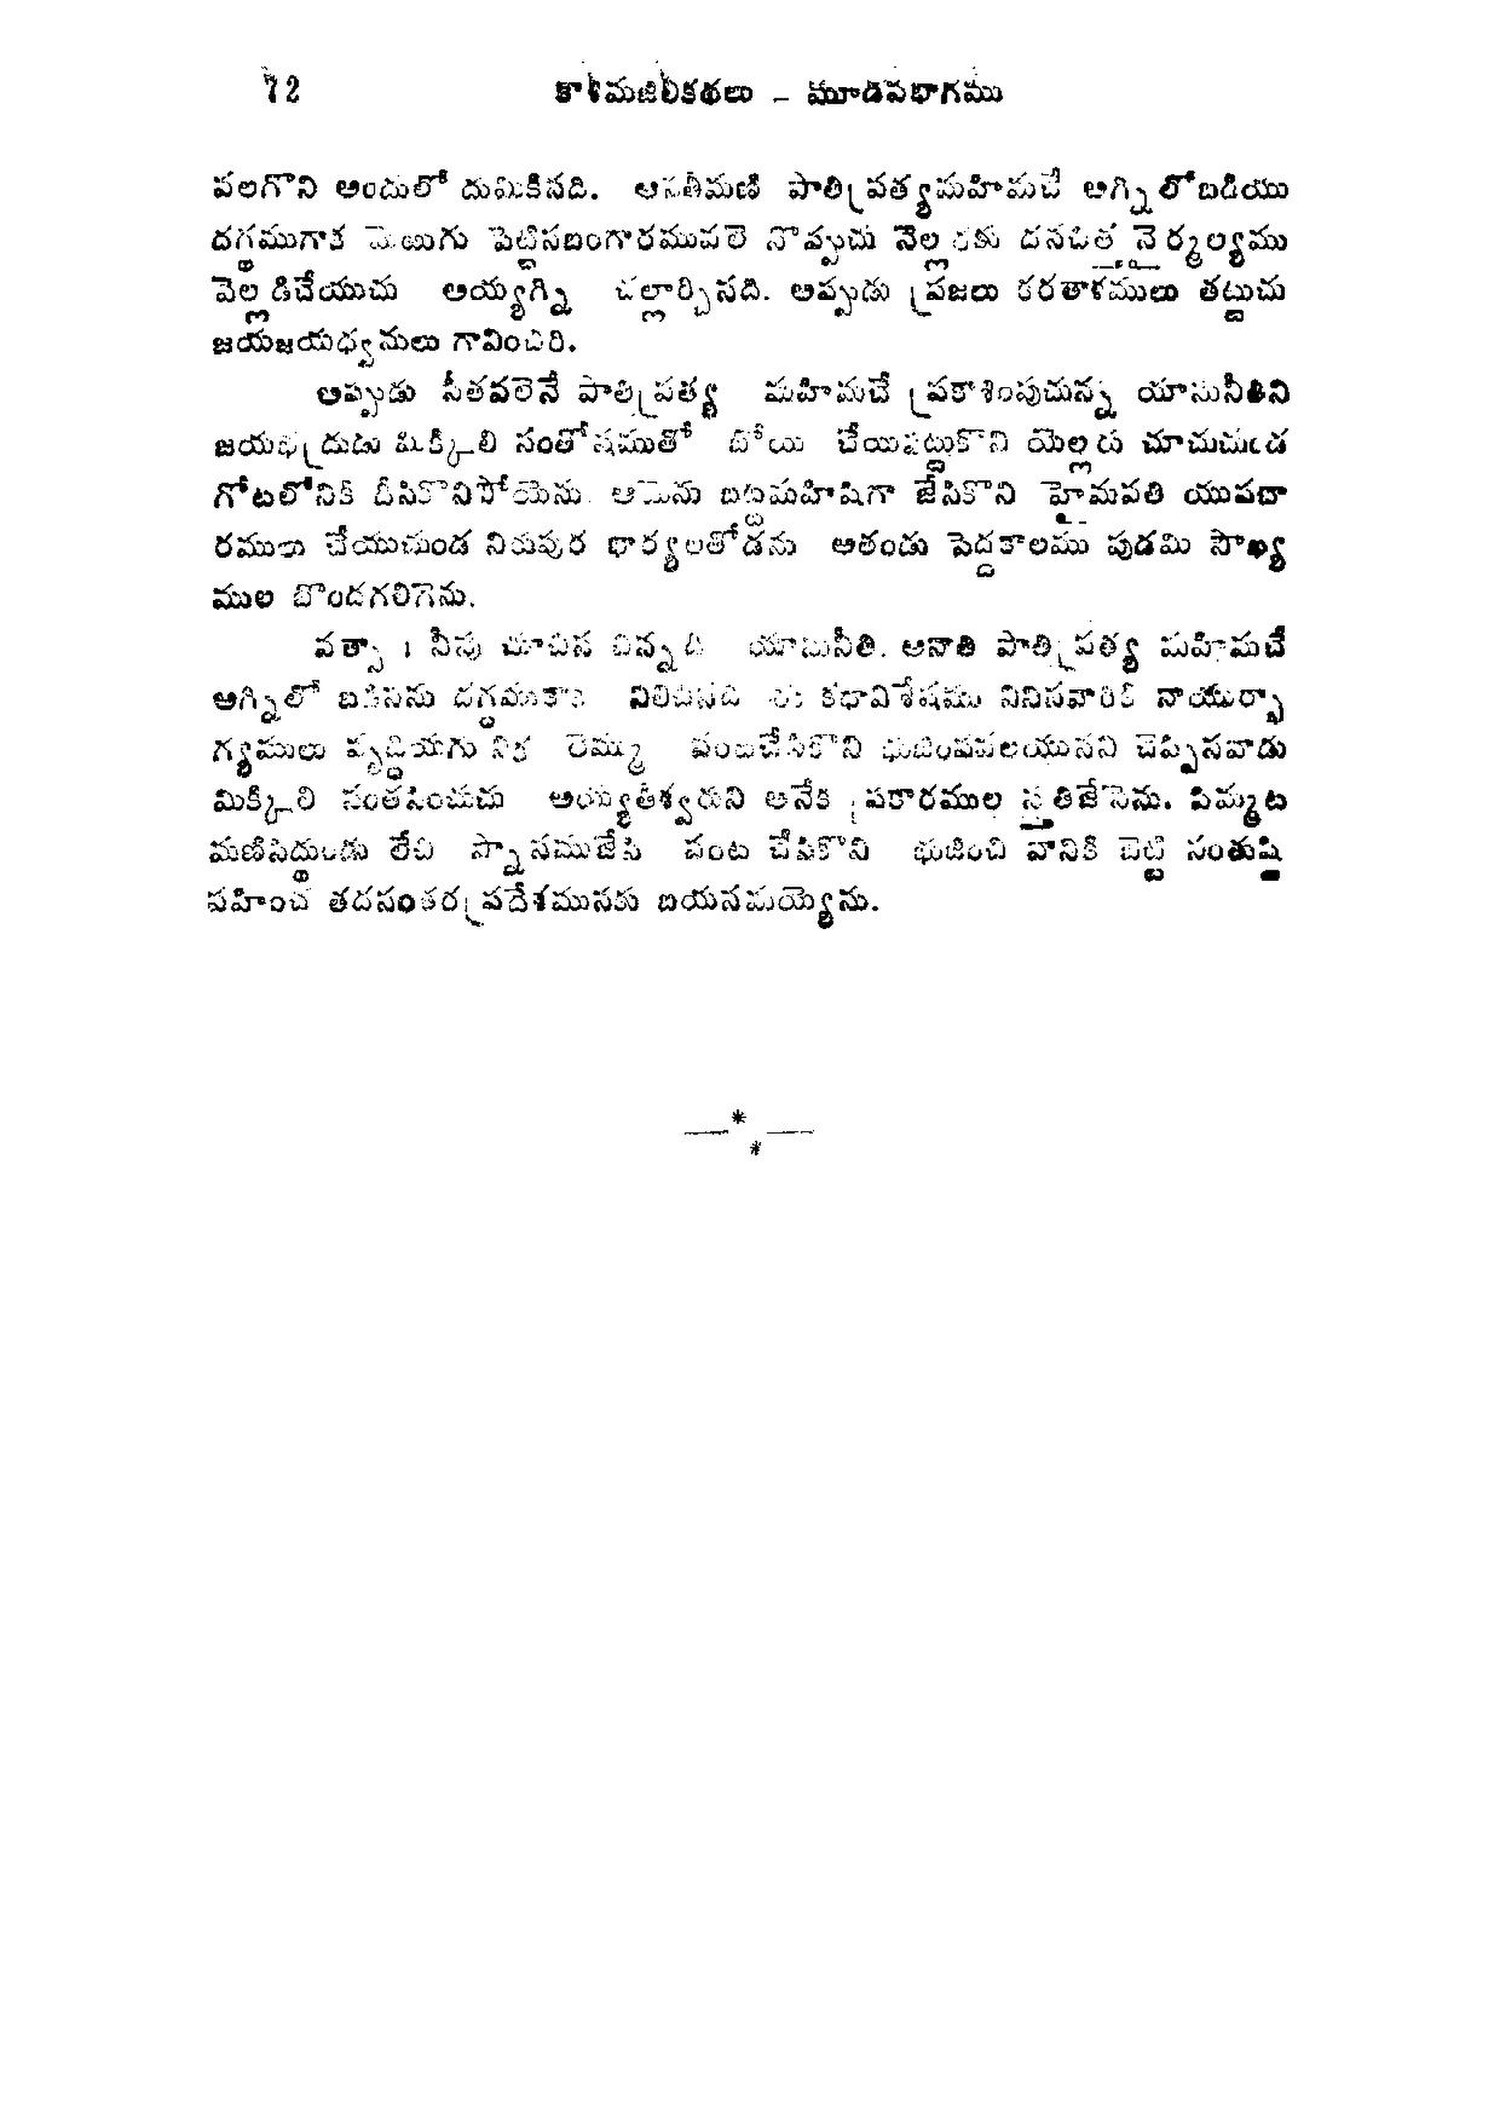వలగొని అందులో దుమికినది. ఆసతీమణి పాతివ్రత్యమహిమచే అగ్నిలోబడియు దగ్ధముగాక మెఱుగు పెట్టినబంగారమువలె నొప్పుచు నెల్లరకు దనచిత్తనైర్మల్యము వెల్లడిచేయుచు అయ్యగ్ని చల్లార్చినది. అప్పుడు ప్రజలు కరతాళములు తట్టుచు జయజయధ్వనులు గావించిరి.

అప్పుడు సీతవలెనే పాతివ్రత్యమహిమచే ప్రకాశింపుచున్న యాసునీతిని జయభద్రుడు మిక్కిలి సంతోషముతో బోయి చేయిపట్టుకొని యెల్లరు చూచుచుండ గోటలోనికి దీసికొనిపోయెను. ఆమెను బట్టమహిషిగా జేసికొని హైమవతి యుపచారములు చేయుచుండ నిరువురు భార్యలతోడను అతండు పెద్దకాలము పుడమి సౌఖ్యముల బొందగలిగెను.

వత్సా! నీవు చూచిన చిన్నది యాసునీతి. ఆనాటి పాతివ్రత్యమహిమచే అగ్నిలో బడినను దగ్దముకాక నిలిచినది. ఈ కధావిశేషము వినినవారికి నాయుర్భాగ్యములు వృద్ధియగు నిక లెమ్ము వంటచేసికొని భుజింపవలయు నని చెప్పిన వాడు మిక్కిలి సంతసించుచు అయ్యతీశ్వరుని అనేకప్రకారముల స్తుతిజేసెను. పిమ్మట మణిసిద్ధుండు లేచి స్నానముజేసి వంటచేసికొని భుజించి వానికి పెట్టి సంతుష్టి
వహించి తదనంతరప్రదేశమునకు బయనమయ్యెను.